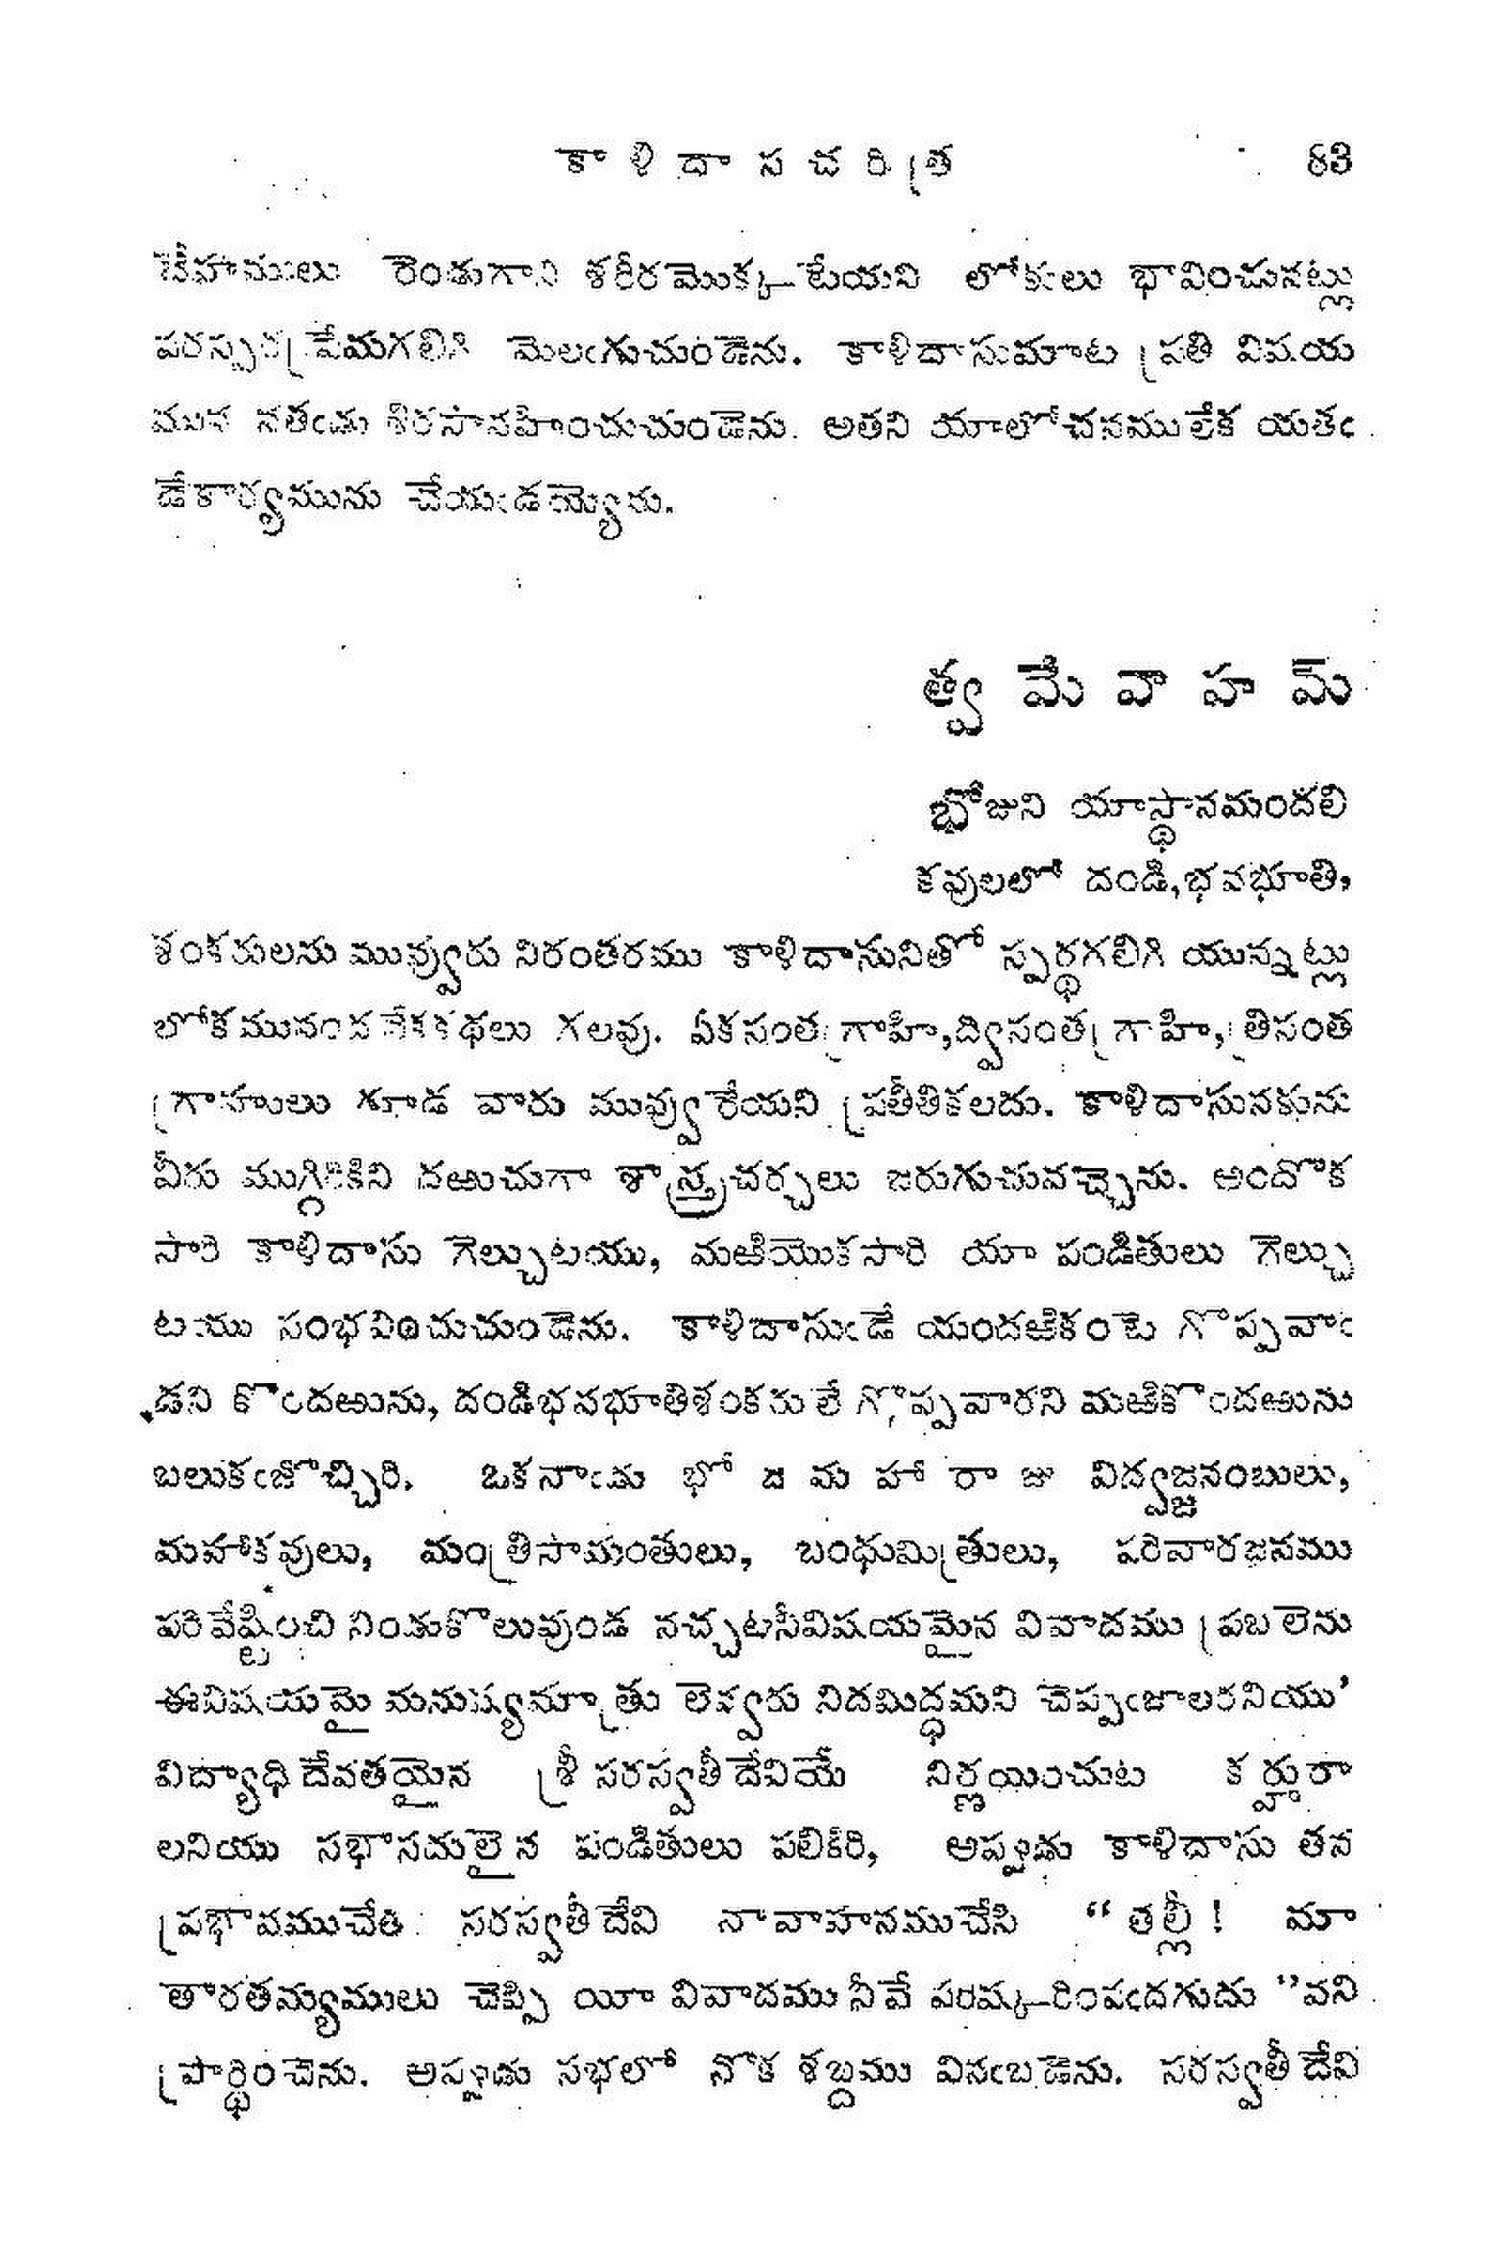దేహములు రెండుగాని శరీరమొక్కటేయని లోకులు భావించునట్లు పరస్పరప్రేమగలిగి మెలుగుచుందెను. కాళిదాసుమాట ప్రతి విషయమున నతడు శిరసావ హించుచుండెను. అతని యాలోచనములేక యత డేకార్యమును చేయడ;య్యెను.

శంకరులను మువ్వురు నిరంతరము కాళిదాసునితో స్పర్దగలిగి యున్నట్లు లోకమునందనేకకధలు గలవు. ఏకసందగ్రాహి, ద్విసంతగ్రాహి, తనంతగ్రాహులు కూడ వారు మువ్వురేనని ప్రతీతికలదు. కాళిదాసునకును వీరి ముగ్గురికిని దఱుచుగా శాస్త్రచర్చలు జరుగుచు వచ్చెను. అందొకసాది కాలిదాసు గెల్చుటయు, మఱియొకసారి యాపండితులు గెల్చుటయు సంభవించుచుండెను. కాళిదాసుడే యందఱికంటే గొప్పవాడని కొందఱును, దండిభవభూతిశంకరులే గొప్పవారని మఱిమొందరు బలుకజొచ్చిరి. ఒకనాడు భోజమహారాజు విద్వజ్ఞలనంబులు, మహాకవులు, మంత్రిసమంతులు, బందుమిత్రులు, పరివారజనము పరివేష్టించి నిండుకొలువుండ నచ్చటనెవిషయమైన వివాదము ప్రబలెను. ఈవిషయమై మనుష్య మాత్రు లెవ్వరు నిదమిద్దమని చెప్పంజాలరనియు విద్యాధి దేవతయైన శ్రీసరస్వతీదేవియే నిర్ణయించుట కర్హురాలనియు సభాసదులైన పండితులు పలికిరి. అప్పుడు కాళిదాసు తన ప్రభావముచేత సరస్వతీదేవి నావాహనముచేసి "తల్లీ! మాతారతమ్యములు చెప్పి యీ వివాదము నీవే పరిస్కరింపదగుదు" వని ప్రార్దించెను. అప్పుడు సభలోనొక శంబ్దము వినబడెను సరస్వతీదేవి